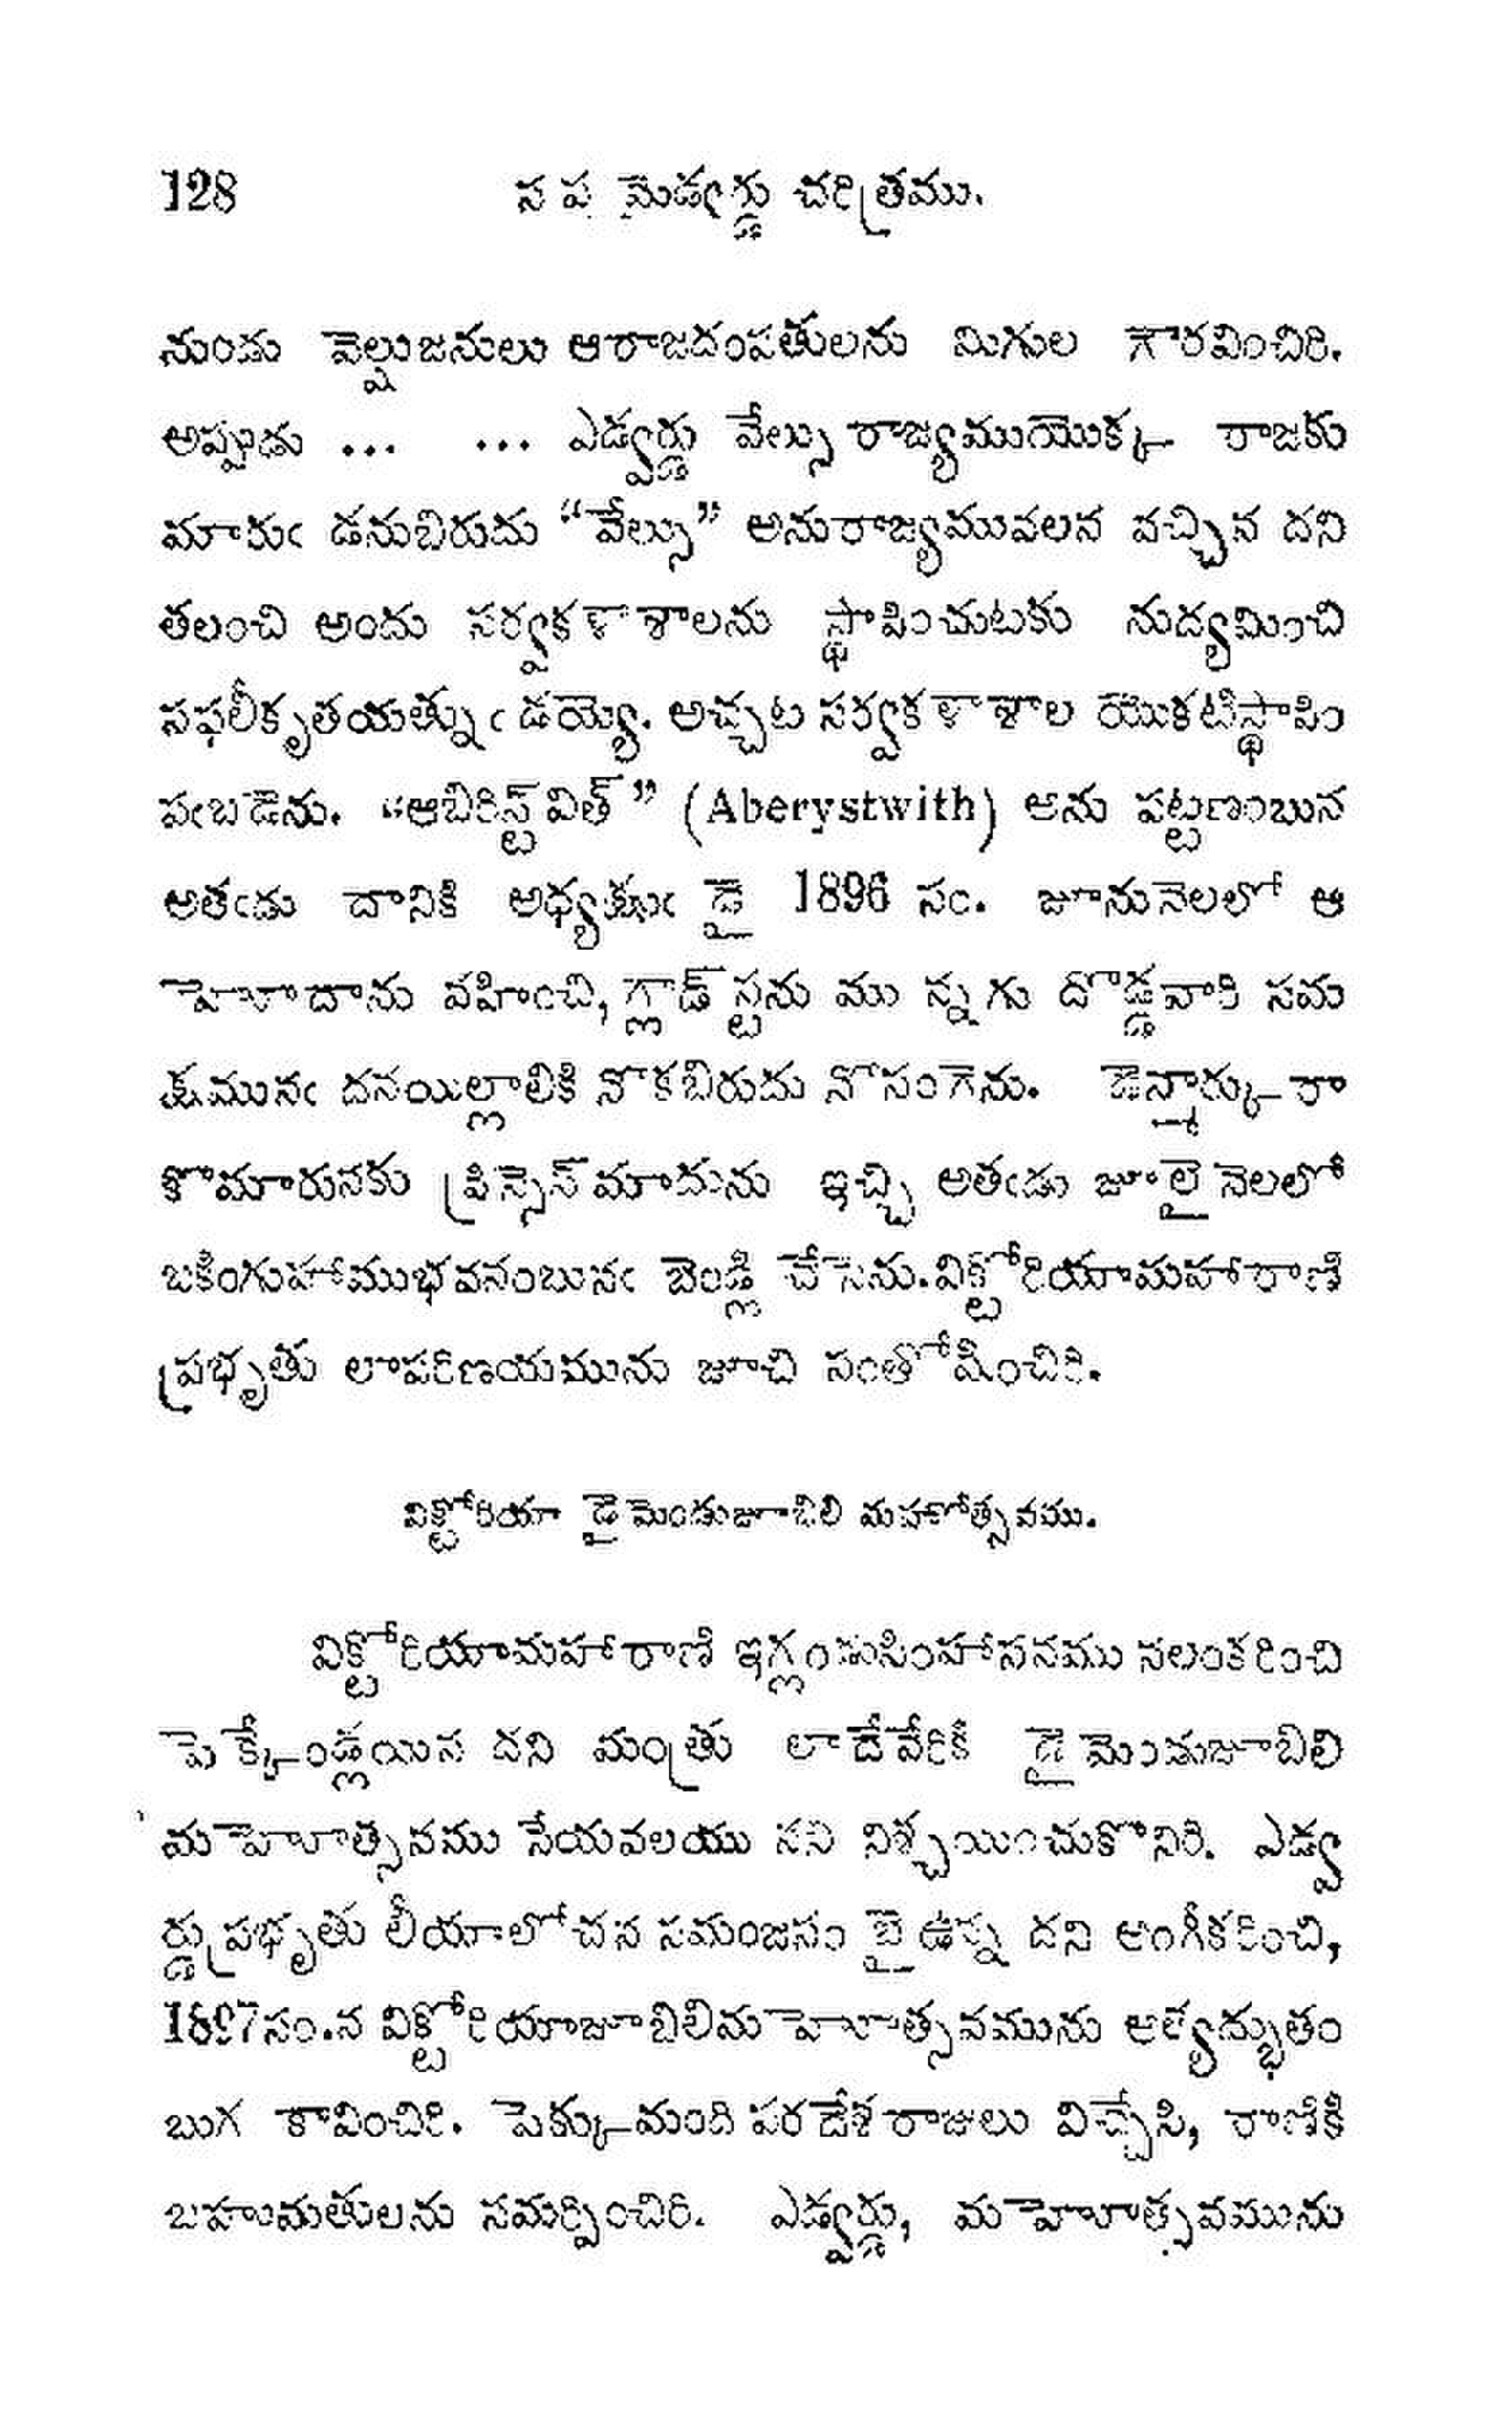నుండు వెల్షు జనులు ఆ రాజదంపతులను మిగుల గౌరవించిరి. అప్పుడు ఎడ్వర్డు వేల్సు రాజ్యము యొక్క రాజ కు మారు డను బిరుదు “వేల్సు" అను రాజ్యమువలన వచ్చిన దని తలంచి అందు సర్వకళా శాలను స్థాపించుటకు నుద్యమించి సఫలీకృతయత్నుడయ్యె, అచ్చట సర్వకళాశాల యొకటి స్థాపి పబడెను. "ఆబిరిస్ట్ విత్ ” (Abery stwith) అను పట్టణంబున అతఁడు దానికి అధ్యక్షుడై 1896 సం. జూను నెలలో ఆ హోదాను వహించి, గ్లాడ్ స్టను మున్నగు దొడ్డ వారి సమ క్షమునఁ దనయిల్లాలికి నొక బిరుదు నొసంగెను. డెనార్కు రా కొమారునకు ప్రిన్సెస్ మాదును ఇచ్చి అతఁడు జూలై నెలలో బకింగు హాముభవనంబునఁ బెండ్లి చేసెను. విక్టోరియా మహారాణి ప్రభృతు లాపరిణయమును జూచి సంతోషించిరి,

విక్టోరియా డైమెండు జూబిలి మహోత్సవము. విక్టోరియా మహారాణి ఇగ్లండు సింహాసనము నలంక రించి పెక్కేండ్లయిన దని మంత్రు లా దేవేరికి డై మెండు జూబిలి 'మహోత్సవము సేయవలయు నని నిశ్చయించుకొనిరి. ఎడ్వ డ్డు ప్రభృతు లీయాలోచన సమంజసంబై ఉన్నదని అంగీకరించి, 1897 సం.న విక్టోరియా జూబిలి మఘోత్సవమును అత్యద్భుతం బుగ కావించిరి . పెక్కు మంది పర దేశ రాజులు విచ్చేసి, రాణికి బహునుతులను సమర్పించిరి. ఎడ్వర్లు, మహెూత్సవమును